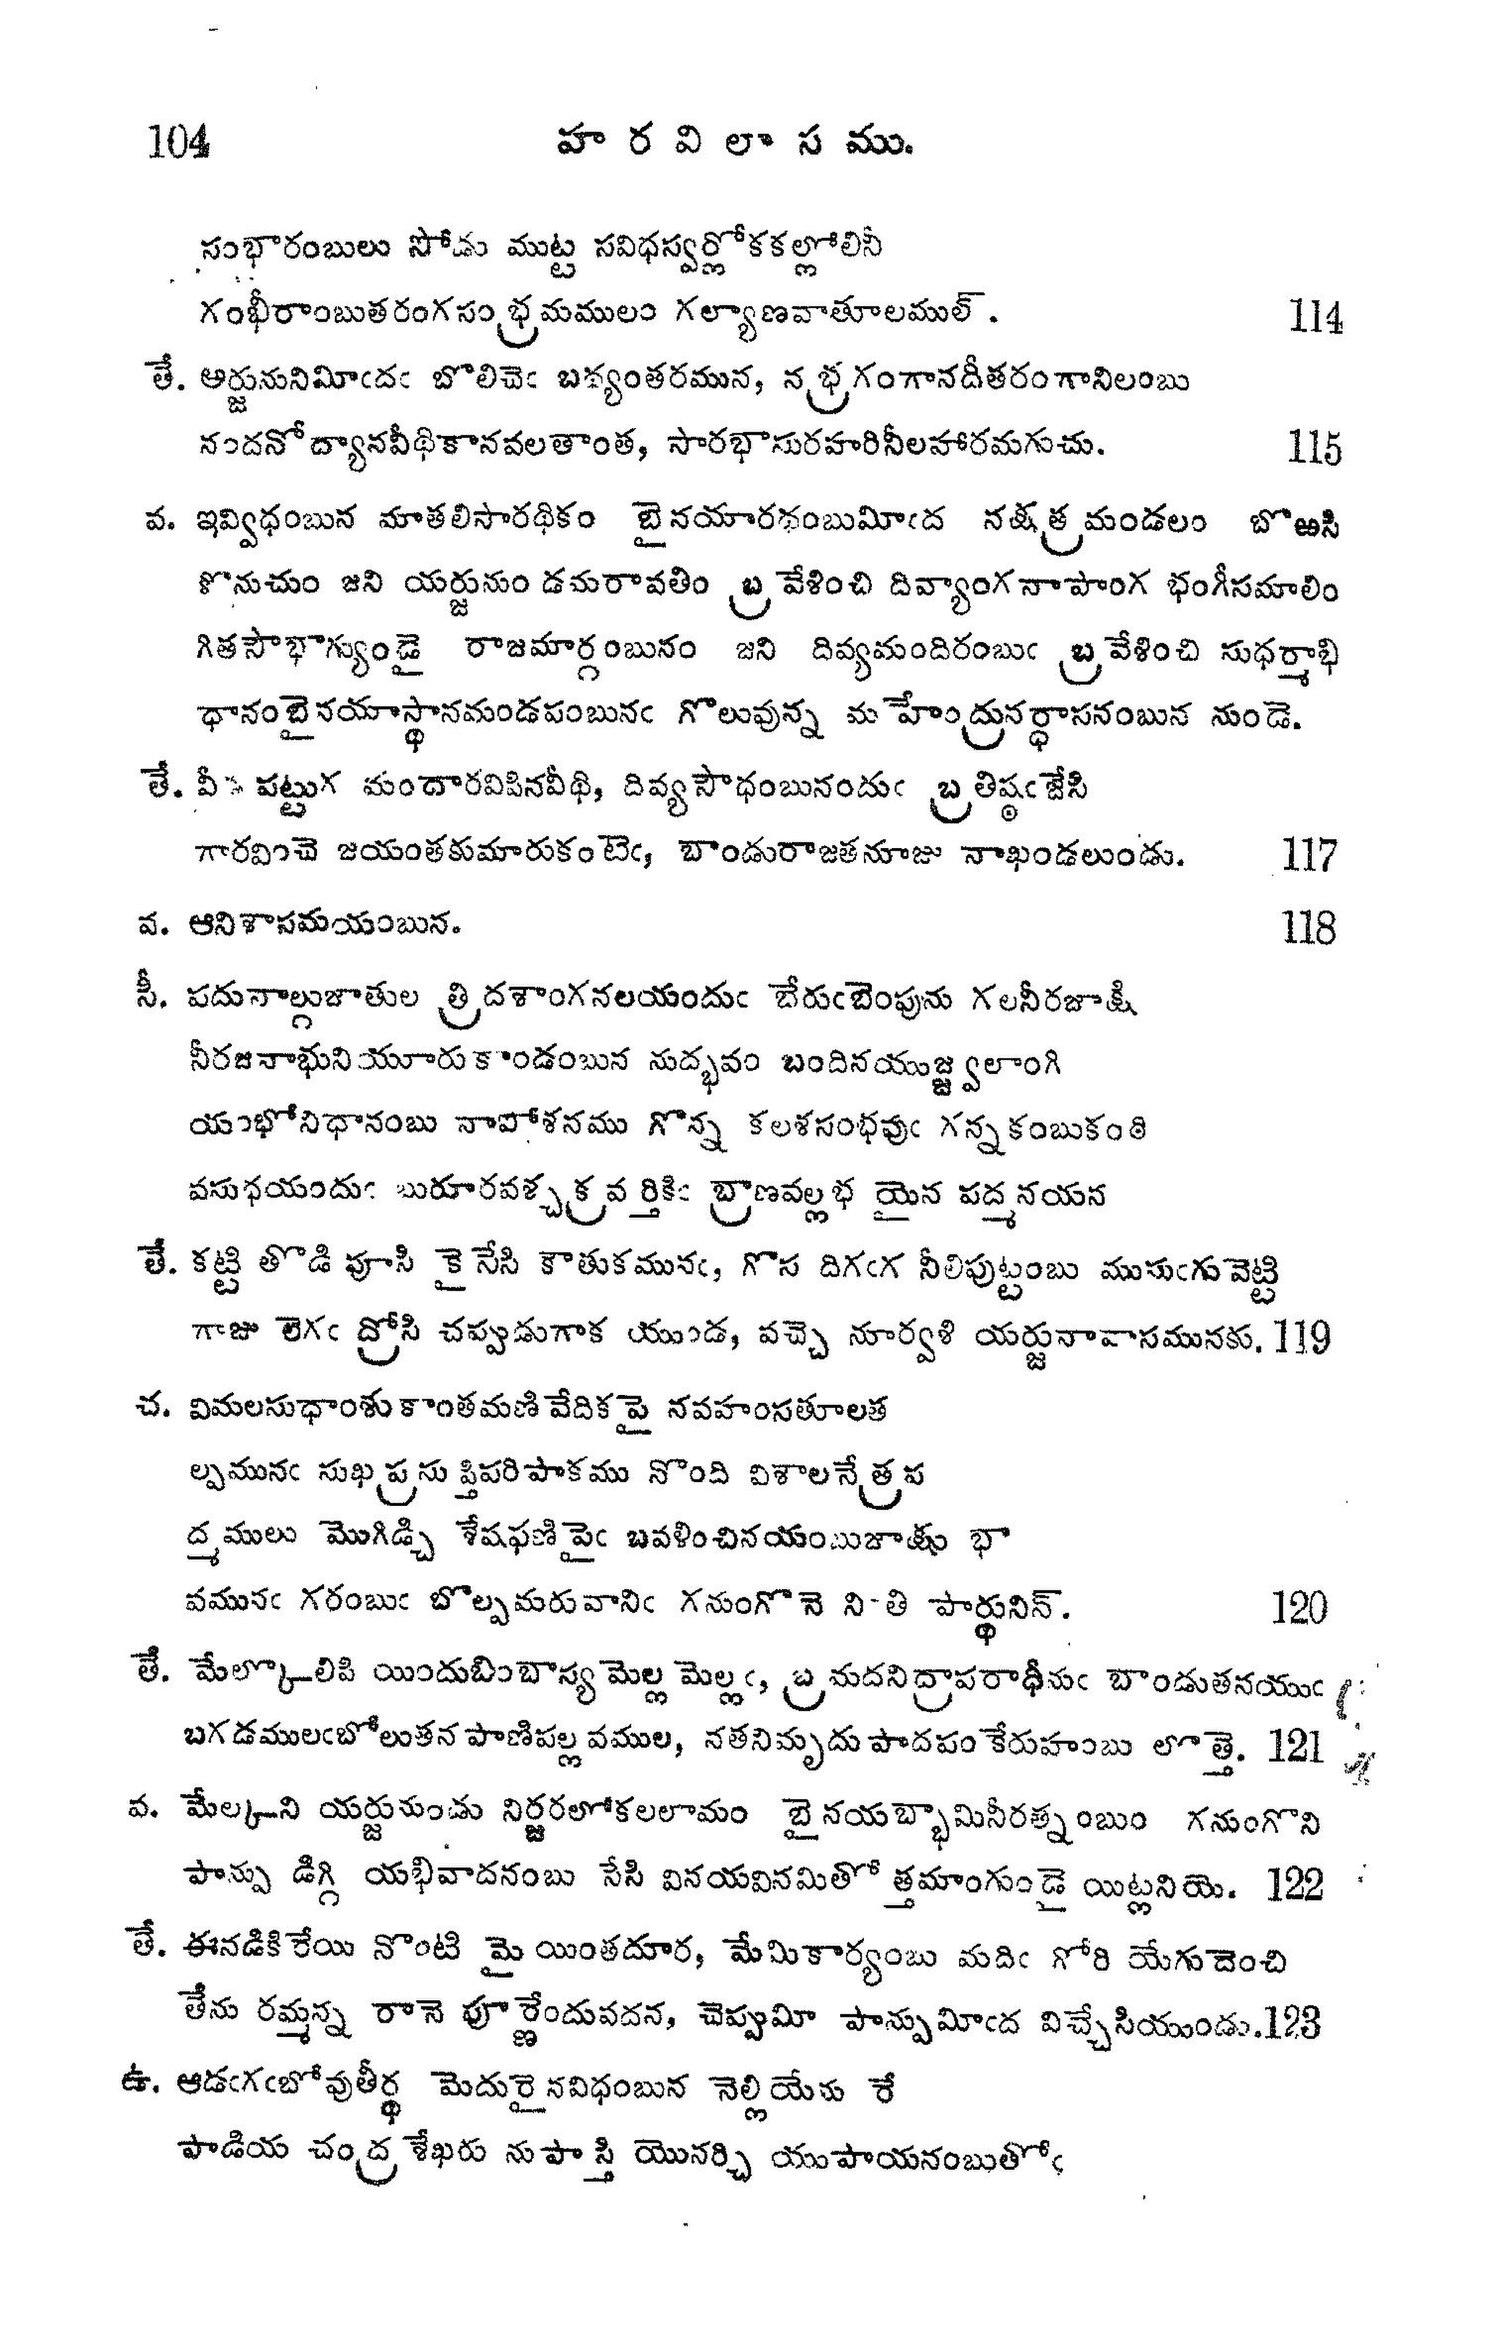సంభారంబులు సోడు ముట్ట సవిధస్వర్లోకకల్లోలినీ
గంభీరాంబుతరంగసంభ్రమములఁ గల్యాణవాతూలముల్. 114

తే. అర్జునునిమీఁదఁ బొలిచెఁ బథ్యంతరమున, నభ్రగంగానదీతరంగానిలంబు
నందనోద్యానవీథికానవలతాంత, సారభాసురహరినీలహార మగుచు. 115

వ. ఇవ్విధంబున మాతలిసారథికం బైనయారథంబుమీఁద నక్షత్రమండలం బొఱసికొనుచుం జని యర్జునుం డమరావతిం బ్రవేశించి దివ్యాంగనాపాంగభంగీసమాలింగితసౌభాగ్యుండై రాజమార్గంబునం జని దివ్యమందిరంబుఁ బ్రవేశించి సుధర్మాభిధానం బైనయాస్థానమండపంబునఁ గొలువున్న మహేంద్రు నర్ధాసనంబున నుండె. 116

తే. వీడుపట్టుగ మందారవిపినవీథి, దివ్యసౌధంబునందుఁ బ్రతిష్ఠఁ జేసి
గారవించె జయంతకుమారుకంటెఁ, బాండురాజతనూజు నాఖండలుండు. 117

వ. ఆనిశాసమయంబున. 118

సీ. పదునాలుజాతుల త్రిదశాంగనలయందుఁ బేరుఁబెంపును గలనీరజాక్షి
నీరజనాభుని యూరుకాండంబున నుద్భవం బందినయుజ్జ్వలాంగి
యంభోనిధానంబు నాపోశనము గొన్న కలశసంభవుఁ గన్నకంబుకంఠి
వసుధయందుఁ బురూరవశ్చక్రవర్తికిఁ బ్రాణవల్లభ యైన పద్మనయన
తే. కట్టి తొడి పూసి కైసేసి కౌతుకమున, గొస దిగఁగ నీలిపుట్టంబు ముసుఁగువెట్టి
గాజు లెగఁద్రోసి చప్పుడుగాక యుండ, వచ్చె నూర్వశి యర్జునావాసమునకు. 119

చ. విమలసుధాంశుకాంతమణివేదికపై నవహంసతూలత
ల్పమునఁ సుఖప్రసుప్తిపరిపాకము నొంది విశాలనేత్రప
ద్మములు మొగిడ్చి శేషఫణిపైఁ బవళించినయంబుజాక్షు భా
వమునఁ గరంబుఁ బొల్పమరువానిఁ గనుంగొనె నింతి పార్థునిన్. 120

తే. మేల్కొలిపి యిందుబింబాస్య మెల్లమెల్లఁ, బ్రమదనిద్రాపరాధీనుఁ బాండుతనయుఁ
బగడములఁబోలు తనపాణిపల్లవముల, నతని మృదుపాదపంకేరుహంబు లొత్తె. 121

వ. మేల్కని యర్జునుండు నిర్జరలోకలలామం బైనయబ్భామినీరత్నంబుం గనుంగొని పాన్పు డిగ్గి యభివాదనంబు సేసి వినయవినమితోత్తమాంగుండై యిట్లనియె. 122

తే. ఈనడికిరేయి నొంటిమై యింతదూర, మేమికార్యంబు మదిఁ గోరి యేగుదెంచి
తేను రమన్న రానె పూర్ణేందువదన, చెప్పుమీ పాన్పుమీఁద విచ్చేసియుండు. 123

ఉ. ఆడఁగఁబోవుతీర్థ మెదురైనవిధంబున నెల్లియేను రే
పాడియ చంద్రశేఖరు నుపాస్తి యొనర్చి యుపాయనంబుతోఁ